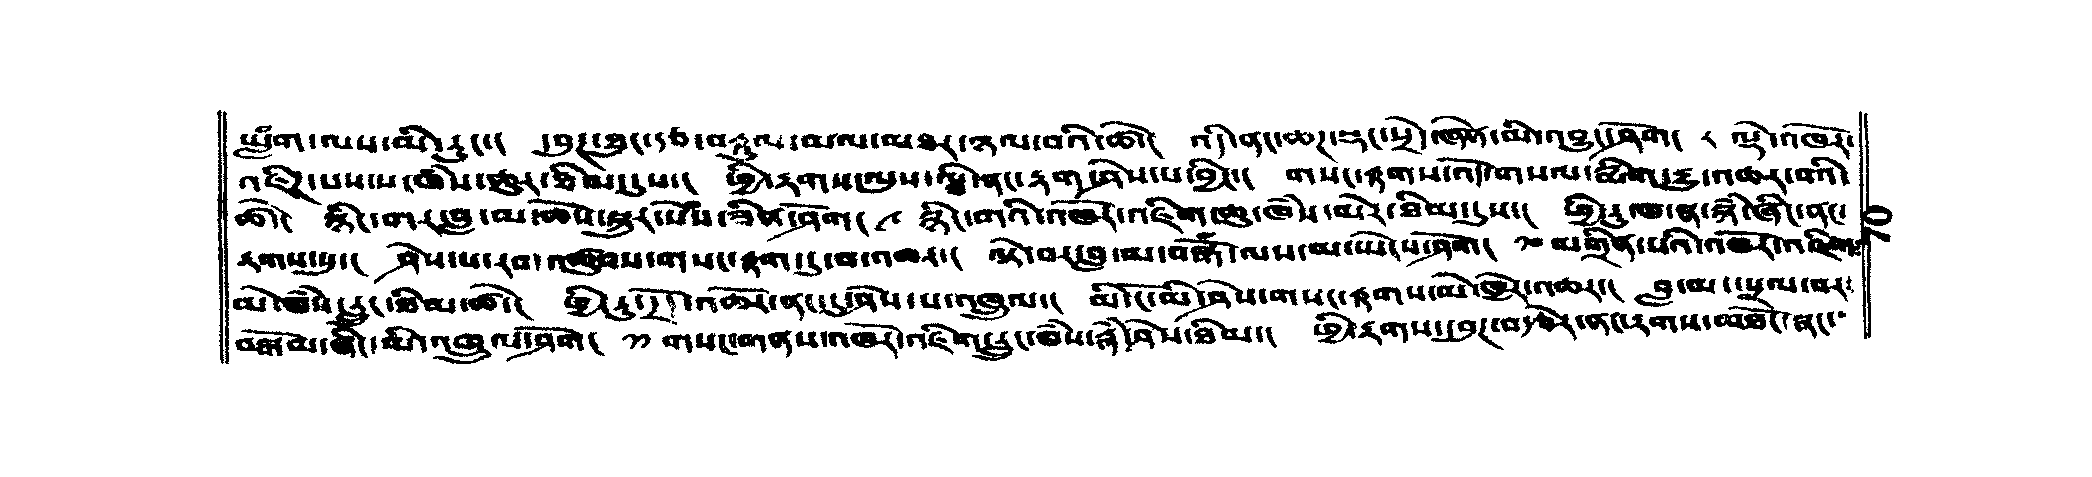ཡན་ལག་ལས་མི་རུང་། །དབུགས་ཐུང་རྩ་བརྟུལ་མལ་མཐར་ཉལ་བའི་ཚེ། །འདི་ནང་ཆགས་སྡང་སྲེད་ཞེན་མི་འབྱུང་ཤོག། ལྟེ་འཁོར་
འཇིག་པས་ས་ཁམས་ཆུར་ཐིམ་དུས། །ཕྱི་རྟགས་ལུས་ལྕི་ནང་རྟགས་ཤེས་པ་བྱིང་། །གསང་རྟགས་འོད་གསལ་སྨིག་རྒྱུ་འཆར་བའི་
ཚེ། །སྙིང་གར་བླ་མ་ཆོས་སྐུར་སེམས་ཟིན་ཤོག །སྙིང་གའི་འཁོར་འཇིག་ཆུ་ཁམས་མེར་ཐིམ་དུས། །ཕྱི་རུ་ཁ་སྣ་སྐམ་ཞིང་ནང་
རྟགས་སུ། །ཤེས་པ་རབ་འཚུབས་གསང་རྟགས་དུ་བ་འཆར། །ལྟེ་བར་བླ་མ་བསྒོམ་ལས་མ་ཡེངས་ཤོག །མགྲིན་པའི་འཁོར་འཇིག་
མེ་ཁམས་རླུང་ཐིམ་ཚེ། །ཕྱི་རུ་དྲོད་འཆོར་ནང་དུ་ཤེས་པ་འཁྲུལ། །མི་ངོ་མི་ཤེས་གསང་རྟགས་མེ་ཁྱེར་འཆར། །བླ་མ་དཔྲལ་བར་
བསྒོམ་ཞིང་མི་འཁྲུལ་ཤོག །གསང་གནས་འཁོར་འཇིག་རླུང་ཁམས་རྣམ་ཤེས་ཐིམ། །ཕྱི་རྟགས་དབུགས་བརྩེགས་ནང་རྟགས་མཐོང་སྣང་